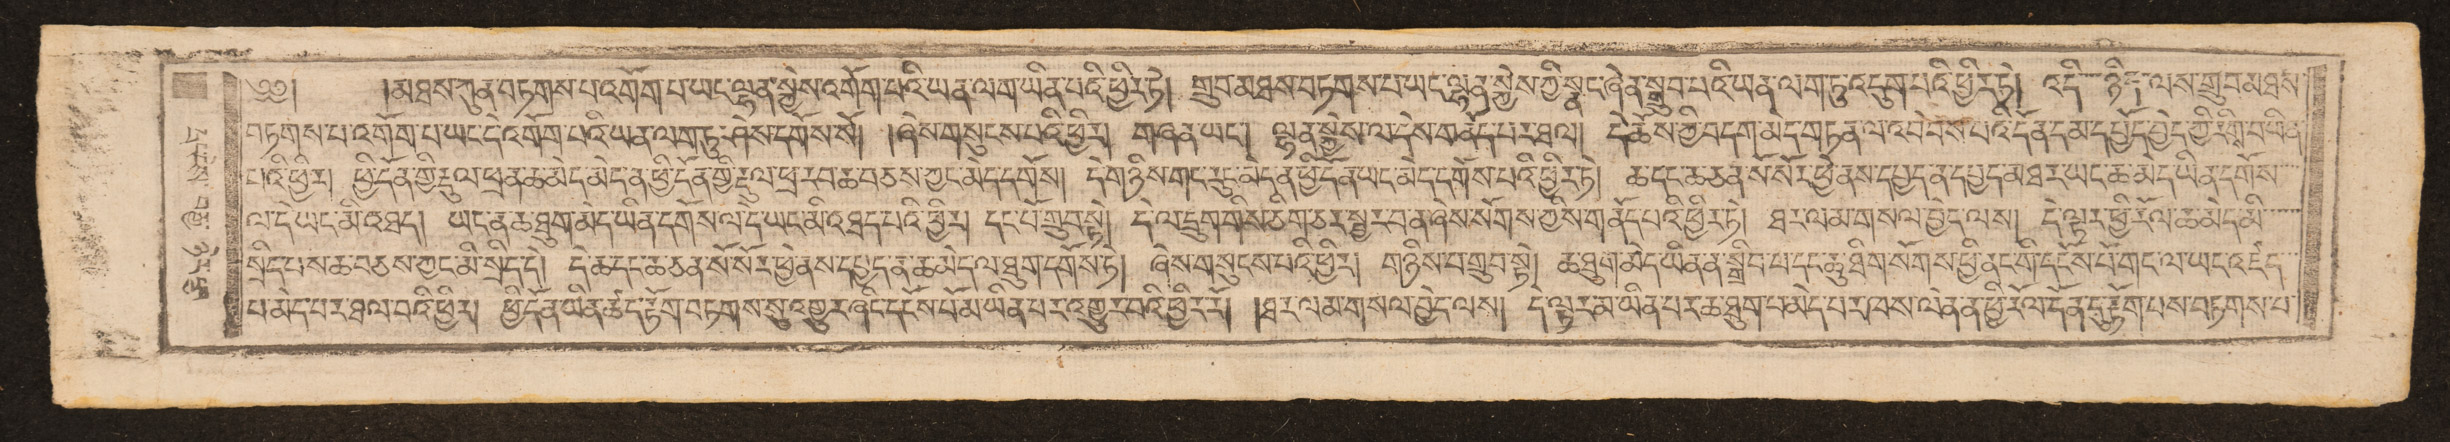༄༅། །མཐས་ཀུན་བཏགས་པ་འགོག་པ་ཡང་ལྷན་སྐྱེས་འགོག་པའི་ཡན་ལག་ཡིན་པའི་ཕྱིར་ཏེ། གྲུབ་མཐས་བཏགས་པ་ཡང་ལྷན་སྐྱེས་ཀྱི་སྣང་ཞེན་སྒྲུབ་པའི་ཡན་ལག་ཏུ་འདུག་པའི་ཕྱིར་ཏེ། འདི་ཉིད་ལས་གྲུབ་མཐས་
བཏགས་པ་འགོག་པ་ཡང་དེ་འགོག་པའི་ཡན་ལག་ཏུ་ཤེས་དགོས་སོ། །ཞེས་གསུངས་པའི་ཕྱིར། གཞན་ཡང་། ལྷན་སྐྱེས་ལ་དེས་གནོད་པར་ཐལ། དེ་ཆོས་ཀྱི་བདག་མེད་གཏན་ལ་འབེབས་པའི་དོན་དམ་དཔྱོད་བྱེད་ཀྱི་རིགས་པ་ཡིན་
པའི་ཕྱིར། ཕྱི་དོན་གྱི་རྡུལ་ཕྲན་ཆ་མེད་མེད་ན་ཕྱི་དོན་གྱི་རྡུལ་ཕྲ་རབ་ཆབ་བཅས་ཀྱང་མེད་དགོས། དེ་གཉིས་གང་རུང་མེད་ན་ཕྱི་དོན་ཡང་མེད་དགོས་པའི་ཕྱིར་ཏེ། ཆ་དང་ཆ་ཅན་སོ་སོར་ཕྱེ་ནས་དཔྱད་ན་དཔྱད་མཐར་ཡང་ཆ་མེད་ཡིན་དགོས་
ལ་དེ་ཡང་མི་འཐད། ཡང་ན་ཆ་ཐུག་མེད་ཡིན་དགོས་ལ་དེ་ཡང་མི་འཐད་པའི་ཕྱིར། དང་པོ་གྲུབ་སྟེ། དེ་ལ་དྲུག་གིས་ཅིག་ཅར་སྦྱར་བ་ན་ཞེས་སོགས་ཀྱིས་གནོད་པའི་ཕྱིར་ཏེ། ཐར་ལམ་གསལ་བྱེད་ལས། དེ་ལྟར་ཕྱི་རོལ་ཆ་མེད་མི་
སྲིད་པས་ཆ་བཅས་ཀྱང་མི་སྲིད་དེ། དེ་ཆ་དང་ཆ་ཅན་སོ་སོར་ཕྱེ་ནས་དཔྱད་ན་ཆ་མེད་ལ་ཐུག་དགོས་ཏེ། ཞེས་གསུངས་པའི་ཕྱིར། གཉིས་པ་གྲུབ་སྟེ། ཆ་ཐུག་མེད་ཡིན་ན་སྒྲིབ་པ་དང་ཆུ་ཐིག་སོགས་ཕྱི་ནང་གི་དངོས་པོ་གང་ལ་ཡང་འཛད་
པ་མེད་པར་ཐལ་བའི་ཕྱིར། ཕྱི་དོན་ཡིན་ཚད་རྟོག་བཏགས་སུ་འགྱུར་ཞིང་དངོས་པོ་མ་ཡིན་པར་འགྱུར་བའི་ཕྱིར་རོ། །ཐར་ལམ་གསལ་བྱེད་ལས། དེ་ལྟར་མ་ཡིན་པར་ཆ་ཐུག་པ་མེད་པར་ཁས་ལེན་ན་ཕྱི་རོལ་དོན་དུ་རྟོག་པས་བཏགས་པ་